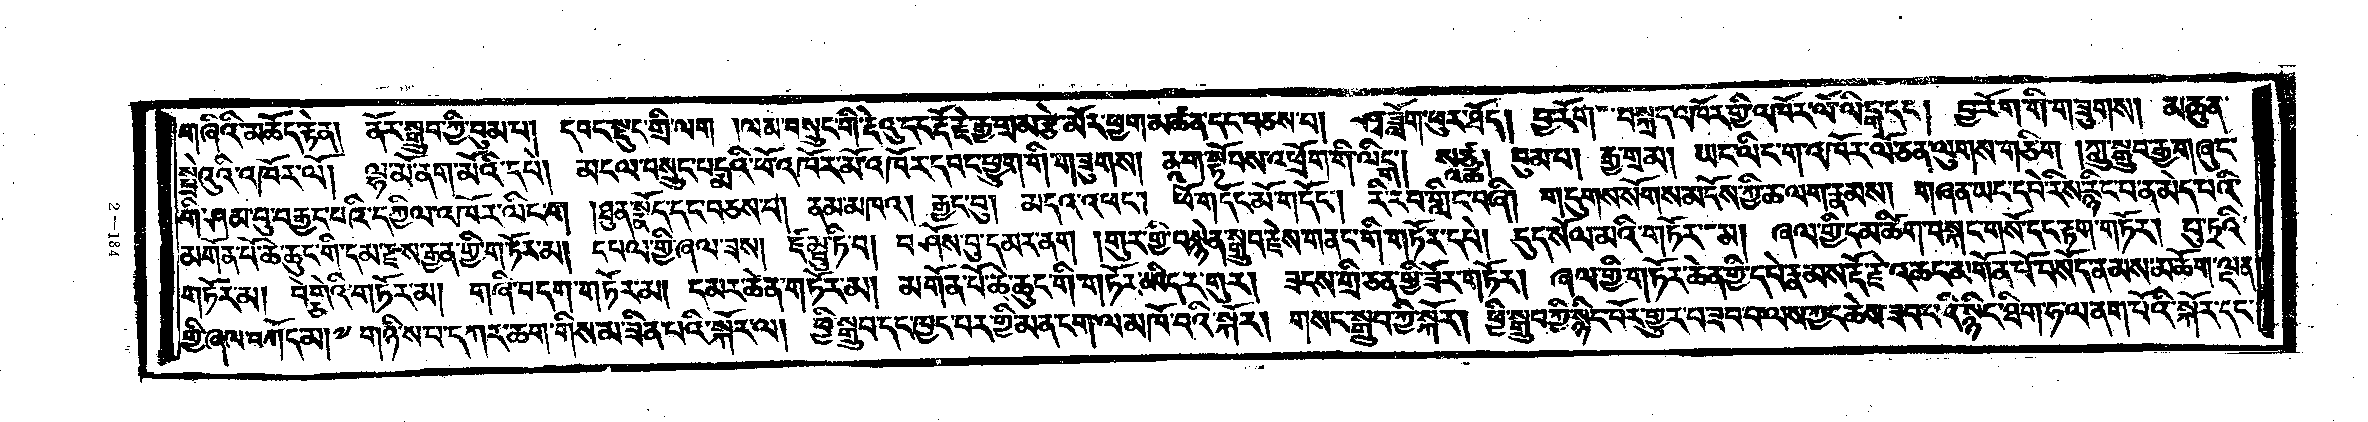གཞིའི་མཆོད་རྟེན། ནོར་སྒྲུབ་ཀྱི་བུམ་པ། དབང་སྡུད་གྲི་ལག །ལམ་བསྲུང་གི་རྡེའུ་དང་རྡོ་རྗེ་རྒྱ་གྲམ་རྩེ་མོར་ཕྱག་མཚན་དང་བཅས་པ། ཤྭ་ཟློག་ཕུར་ཐོད། བྱ་རོག་བསྐྲད་འཁོར་གྱི་འཁོར་ལོ་ལིངྒ་དང་། བྱ་རོག་གི་གཟུགས། མཆུན་
སྤྲེའུའི་འཁོར་ལོ། ལྷ་མོ་ནག་མོའི་དཔེ། མངལ་བསྲུང་པདམའི་ཕོ་འཁོར་མོ་འཁོར་དབང་ཕྱུག་གི་གཟུགས། ནཱ་ག་སྟོབས་འཕྲོག་གི་ལིངྒ། སཱཙྪ། བུམ་པ། རྒྱ་གྲམ། ཡང་ལིང་ག་འཁོར་ལོ་ཅན་ལུགས་གཅིག །ཀླུ་སྒྲུབ་རྒྱ་གཞུང་
གི་ཤམ་བུ་བརྒྱད་པའི་དཀྱིལ་འཁོར་ལིང་ག །ཐུན་སྣོད་དང་བཅས་པ། ནམ་མཁའ། རྒྱང་བུ། མདའ་འཕང་། ཕོ་གདོང་མོ་གདོང་། རི་རབ་གླིང་བཞི། གདུགས་སོགས་མདོས་ཀྱི་ཆ་ལག་རྣམས། གཞན་ཡང་དབེ་རིས་རྙིང་བ་ན་མེད་པའི་
མགོན་པོ་ཆེ་ཆུང་གི་དམ་རྫས་རྒྱན་གྱི་གཏོར་མ། དཔལ་གྱི་ཞལ་ཟས། ཛམྦུ་ཏི་བ། བཤོས་བུ་དམར་ནག །གུར་གྱི་བསྙེན་སྒྲུབ་རྗེས་གནང་གི་གཏོར་དཔེ། དུད་སོལ་མའི་གཏོར་མ། ཞལ་གྱི་དམ་ཚིག་བསྐང་གསོ་དང་རྟག་གཏོར། བུ་ཏྲའི་
གཏོར་མ། བེགཅེའི་གཏོར་མ། གཞི་བདག་གཏོར་མ། དམར་ཆེན་གཏོར་མ། མགོན་པོ་ཆེ་ཆུང་གི་གཏོར་མའི་དར་གུར། ཟངས་གྲི་ཅན་གྱི་ཟོར་གཏོར། ཞལ་གྱི་གཏོར་ཆེན་གྱི་དཔེ་རྣམས་རྡོ་རྗེ་འཆང་མགོན་པོ་བསོད་ནམས་མཆོག་ལྡན་
གྱི་ཞལ་བཀོད་མ། ༧གཉིས་བ་དཀར་ཆག་གིས་མ་ཟིན་པའི་སྐོར་ལ། ཕྱི་སྒྲུབ་དང་ཁྱད་པར་གྱི་མན་ངག་ལ་མཁོ་བའི་སྐོར། གསང་སྒྲུབ་ཀྱི་སྐོར། ཕྱི་སྒྲུབ་ཀྱི་སྙིང་པོར་གྱུར་བཟའ་བ་ལས་ཀྱང་ཆེས་ཟབ་བའི་སྙིང་ཐིག་ཧ་ལ་ནག་པོའི་སྐོར་དང་